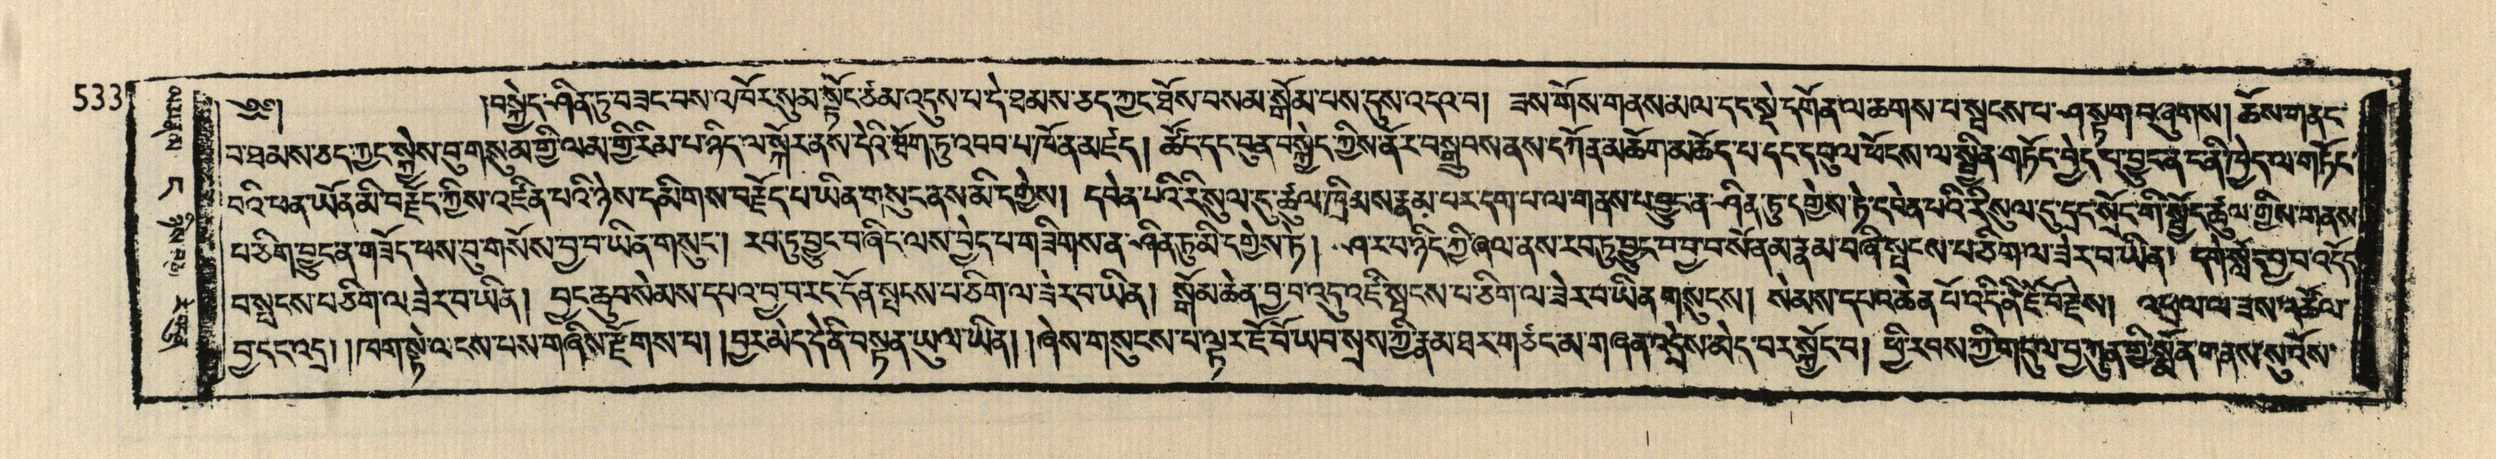༄༅། །བསྐྱེད་ཤིན་ཏུ་བཟང་བས་འཁོར་སུམ་སྟོང་ཙམ་འདུས་པ་དེ་ཐམས་ཅད་ཀྱང་ཐོས་བསམ་སྒོམ་པས་དུས་འདའ་བ། ཟས་གོས་གནས་མལ་དང་སྡེ་དགོན་ལ་ཆགས་པ་སྤངས་བ་ཤ་སྟག་བཞུགས། ཆོས་གནང་
བ་ཐམས་ཅད་ཀྱང་སྐྱེས་བུ་གསུམ་གྱི་ལམ་གྱི་རིམ་པ་ཉིད་ལ་སྐོར་ནས་དེའི་ཐོག་ཏུ་འབབ་པ་ཁོ་ན་མཛད། ཚོང་དང་བུན་བསྐྱེད་ཀྱིས་ནོར་བསྒྲུབས་ནས་དཀོན་མཆོག་མཆོད་པ་དང་དབུལ་ཕོངས་ལ་སྦྱིན་གཏོང་བྱེད་པ་བྱུང་ན་ང་ནི་ཁྱེད་ལ་གཏོང་
བའི་ཕན་ཡོན་མི་བརྗོད་ཀྱིས་འཛིན་པའི་ཉེས་དམིགས་བརྗོད་པ་ཡིན་གསུང་ནས་མི་དགྱེས། དབེན་པའི་རི་སུལ་དུ་ཚུལ་ཁྲིམས་རྣམ་པར་དག་པ་ལ་གནས་པ་བྱུང་ན་ཤིན་ཏུ་དགྱེས་ཏེ་དབེན་པའི་རི་སུལ་དུ་དྲང་སྲོང་གི་སྦྱོད་ཚུལ་གྱིས་གནས་
པ་ཅིག་བྱུང་ན་གཟོད་ཕས་བུ་གསོས་བྱ་བ་ཡིན་གསུང་། རབ་ཏུ་བྱུང་བ་ཞིང་ལས་བྱེད་པ་གཟིགས་ན་ཤིན་ཏུ་མི་དགྱེས་ཏེ། ཤར་བ་ཉིད་ཀྱི་ཞལ་ནས་རབ་ཏུ་བྱུང་བ་བྱ་བ་སོ་ནམ་རྣམ་བཞི་སྤངས་པ་ཅིག་ལ་ཟེར་བ་ཡིན། དགེ་སློང་བྱ་བ་འདོད་
བ་སྤངས་པ་ཅིག་ལ་ཟེར་བ་ཡིན། བྱང་ཆུབ་སེམས་དཔའ་བྱ་བ་རང་དོན་སྤངས་པ་ཅིག་ལ་ཟེར་བ་ཡིན། སྒོམ་ཆེན་བྱ་བ་འདུ་འཛི་སྤངས་པ་ཅིག་ལ་ཟེར་བ་ཡིན་གསུངས། སེམས་དཔའ་ཆེན་པོ་འདི་ནི་ཇོ་བོ་རྗེས། འཕྲལ་ལ་ཟས་འཚོལ་
བྱ་དང་འདྲ། །ཁག་སྟེ་ལངས་པས་གཞིས་རྫོགས་པ། །བྱར་མེད་དེ་ནི་བསྟན་ཡུལ་ཡིན། །ཞེས་གསུངས་པ་ལྟར་ཇོ་བོ་ཡབ་སྲས་ཀྱི་རྣམ་ཐར་གཙང་མ་གཞན་འདྲེས་མེད་བར་སྐྱོང་བ། ཕྱི་རབས་ཀྱི་གདུལ་བྱ་ཀུན་གྱི་སྨོན་གནས་སུ་འོས་